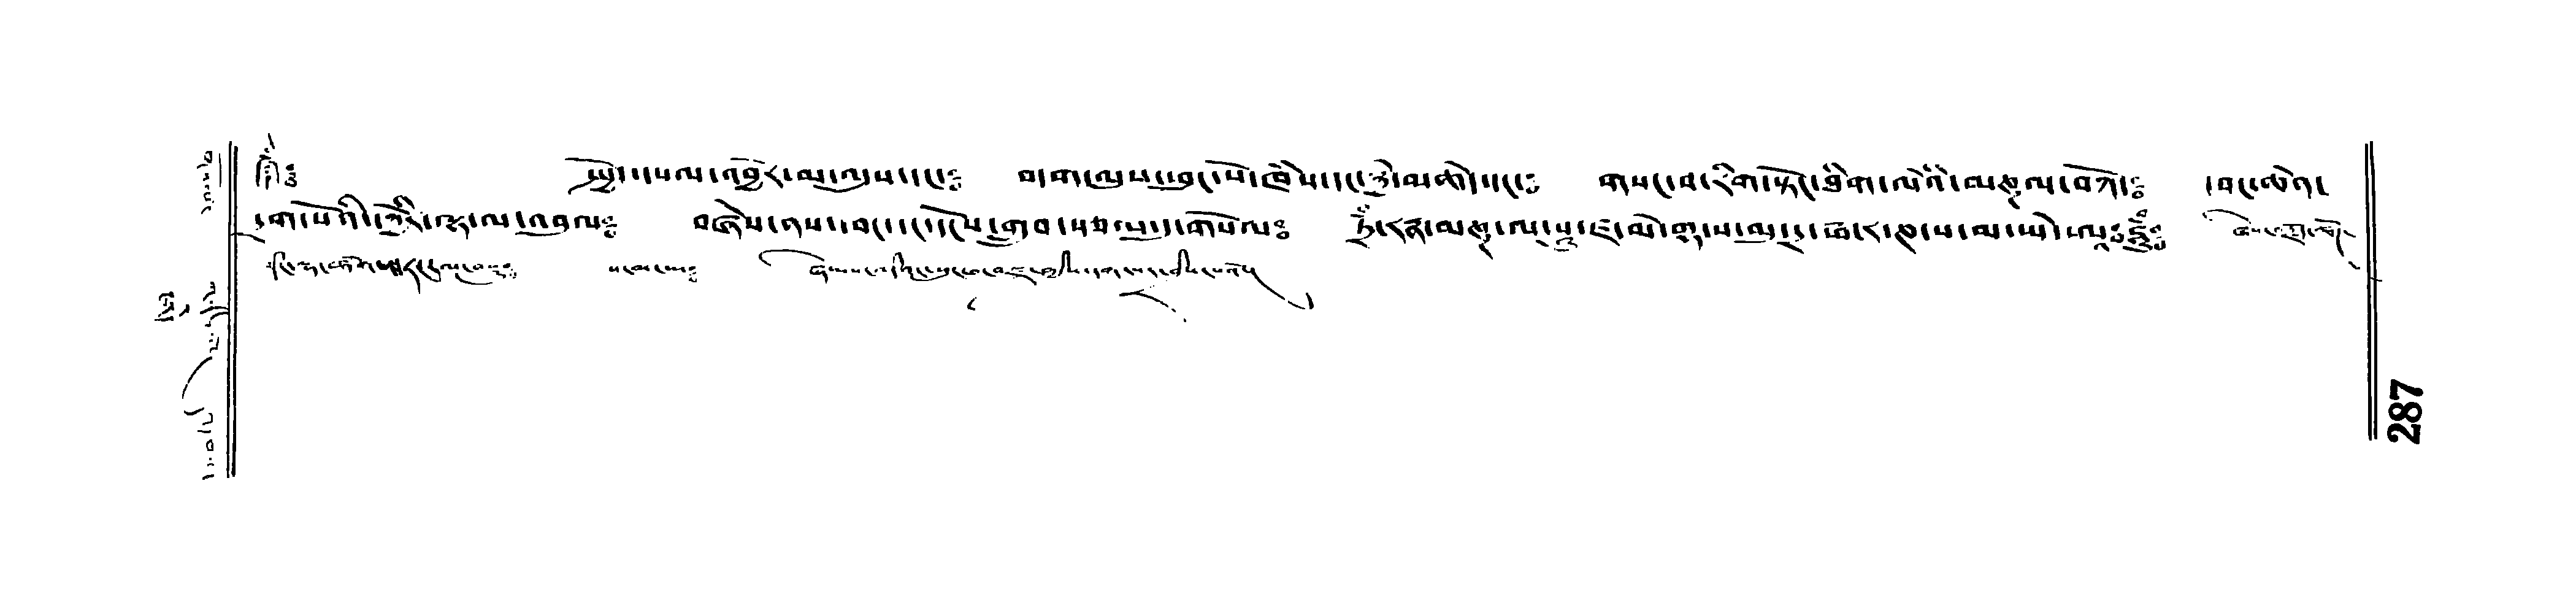སྤྱོད་དཔལ་འབྱོར་མ་ལུས་དང༔ བདག་ལུས་ཕུང་པོ་ཁམས་དང་སྐྱེ་མཆེད་དང༔ གསང་བ་རིག་སྟོང་ཐིག་ལེའི་མཎྜལ་བཀོད༔ དབང་ཆེན་
དྲག་པོའི་དཀྱིལ་འཁོར་ལྷ་ལ་འབུལ༔ བཞེས་ནས་དབང་དང་དངོས་གྲུབ་བསྩལ་དུ་གསོལ༔ ཏྲྃ་རཏྣ་མཎྜ་ལ་པཱུ་ཛ་མེ་གྷ་ས་མུ་དྲ་སྥ་ར་ཎ་ས་མ་ཡེ་ཨཱཿཧཱུྃ༔ ཞེས་བརྗོད་ཚོགས་
ཞིང་ལྷ་ཚོགས་རང་ལ་བསྡུ༔ ས་མ་ཡ༔ ཞེས་པ་འདིའང་སུ་ཁ་བཛྲ་གྱིས་དག་པར་བྲིས་པའོ།།